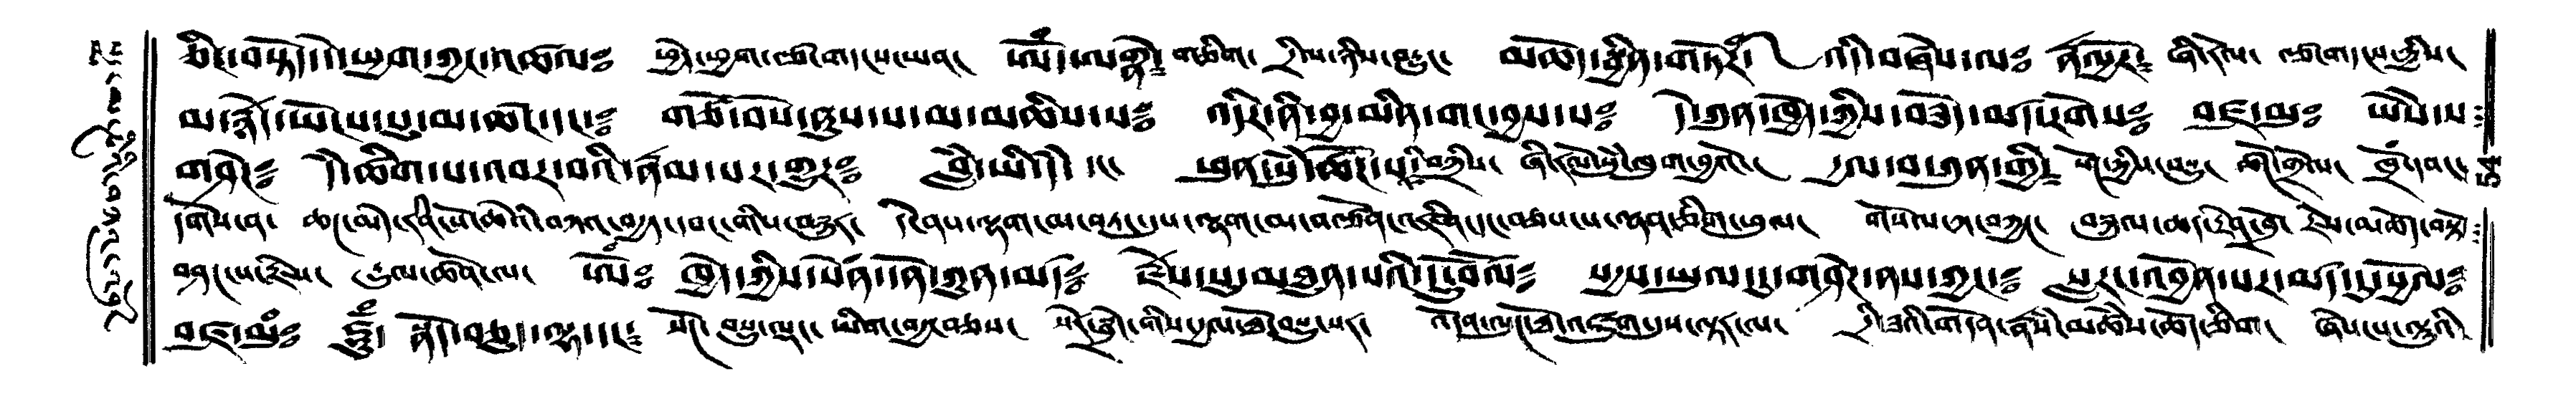ཅིང་བསྟོད་དེ་ཕྱག་ཀྱང་འཚལ། ཕྱེད་ཕྱག་རྩ་གདངས་ཡན། ཨོཾ་ཨགྣེ༴ གཅིག དྲིལ་ཉིས་བརྡུང་། མཆོད་སྦྱིན་གཏོར་མ་ འདི་བཞེས་ལཿ རྣལ་འབྱོར༴ ཞི་རོལ། རྩ་གདངས་ཀྱིས། 
མ་རྙེད་ཡོངས་སུ་མ་ཚང་དང་། །གཙོ་བོས་ནུས་པ་མ་མཆིས་པ། །འདིར་ནི་བྱ་མིན་གང་བྱས་པ། །དེ་ཀུན་ཁྱོད་ཀྱིས་བཟོད་མཛད་རིགས། བཛྲ་མུཿ ཡེ་ཤེས་པ་
གཤེགས། །དམ་ཚིག་པ་འབར་བའི་རྣམ་པར་གྱུར། བླ་མ་ཡི་དམ༴ དང་། ཕུན་སུམ་ཚོགས་པའི༴ བཀྲ་ཤིས། ཞི་རོལ་སུམ་ཁུག་བྱའོ། རྒྱལ་བ་ཀུན་གྱི༴ སོགས་ཀྱིས་བསྡུ། ཚོགས་གྲོལ། ཁྲོམ་དབང་
དགོས་ན། ཆགས་མེད་རིན་པོ་ཆེའི་བཀའ་བརྒྱད་དབང་གིས་སྐུར། དེ་ནས་ལྷག་མ་གཏེང་དུས་ལྷག་མ་བརྩོན་འཛིན་དང་བཅས་པ་ལྷན་ཅིག་ཕུལ། གསོལ་ཀ་བཀྱག བསྐུལ་ཆད་བརྟན་བྲོ། མཆོད་བསྟོད། 
བཤགས་པ་རྗེས། རྡུལ་ཚོན་ལ། ཨོཾ། ཁྱེད་ཀྱིས་སེམས་ཅན་དོན་ཀུན་མཛད། །རྗེས་སུ་མཐུན་པའི་དངོས་གྲུབ་རྩོལ། །སངས་རྒྱས་ཡུལ་དུ་གཤེགས་ནས་ཀྱང་། །སླར་ཡང་འབྱོན་པར་མཛད་དུ་གསོལ། 
བཛྲ་མུཾཿ ཧཱུྃཿ སྣོད་བཅུད་ལྷ་དང༴ སོགས། བསྡུ་ལྡང་། ཡིག་བརྒྱ་བཅས། སེར་སྦྲེང་གིས་རྒྱལ་ཐོ་བསྡུ་སར། འདོན་ལུགས་ཐོ་འཛུགས་དུས་ལྟར་ལ། དྲི་ཟའི་གདོན་རྣམས་མཚམས་ཆོད་ཅིག ཞེས་པ་ལྟ་བུའི་